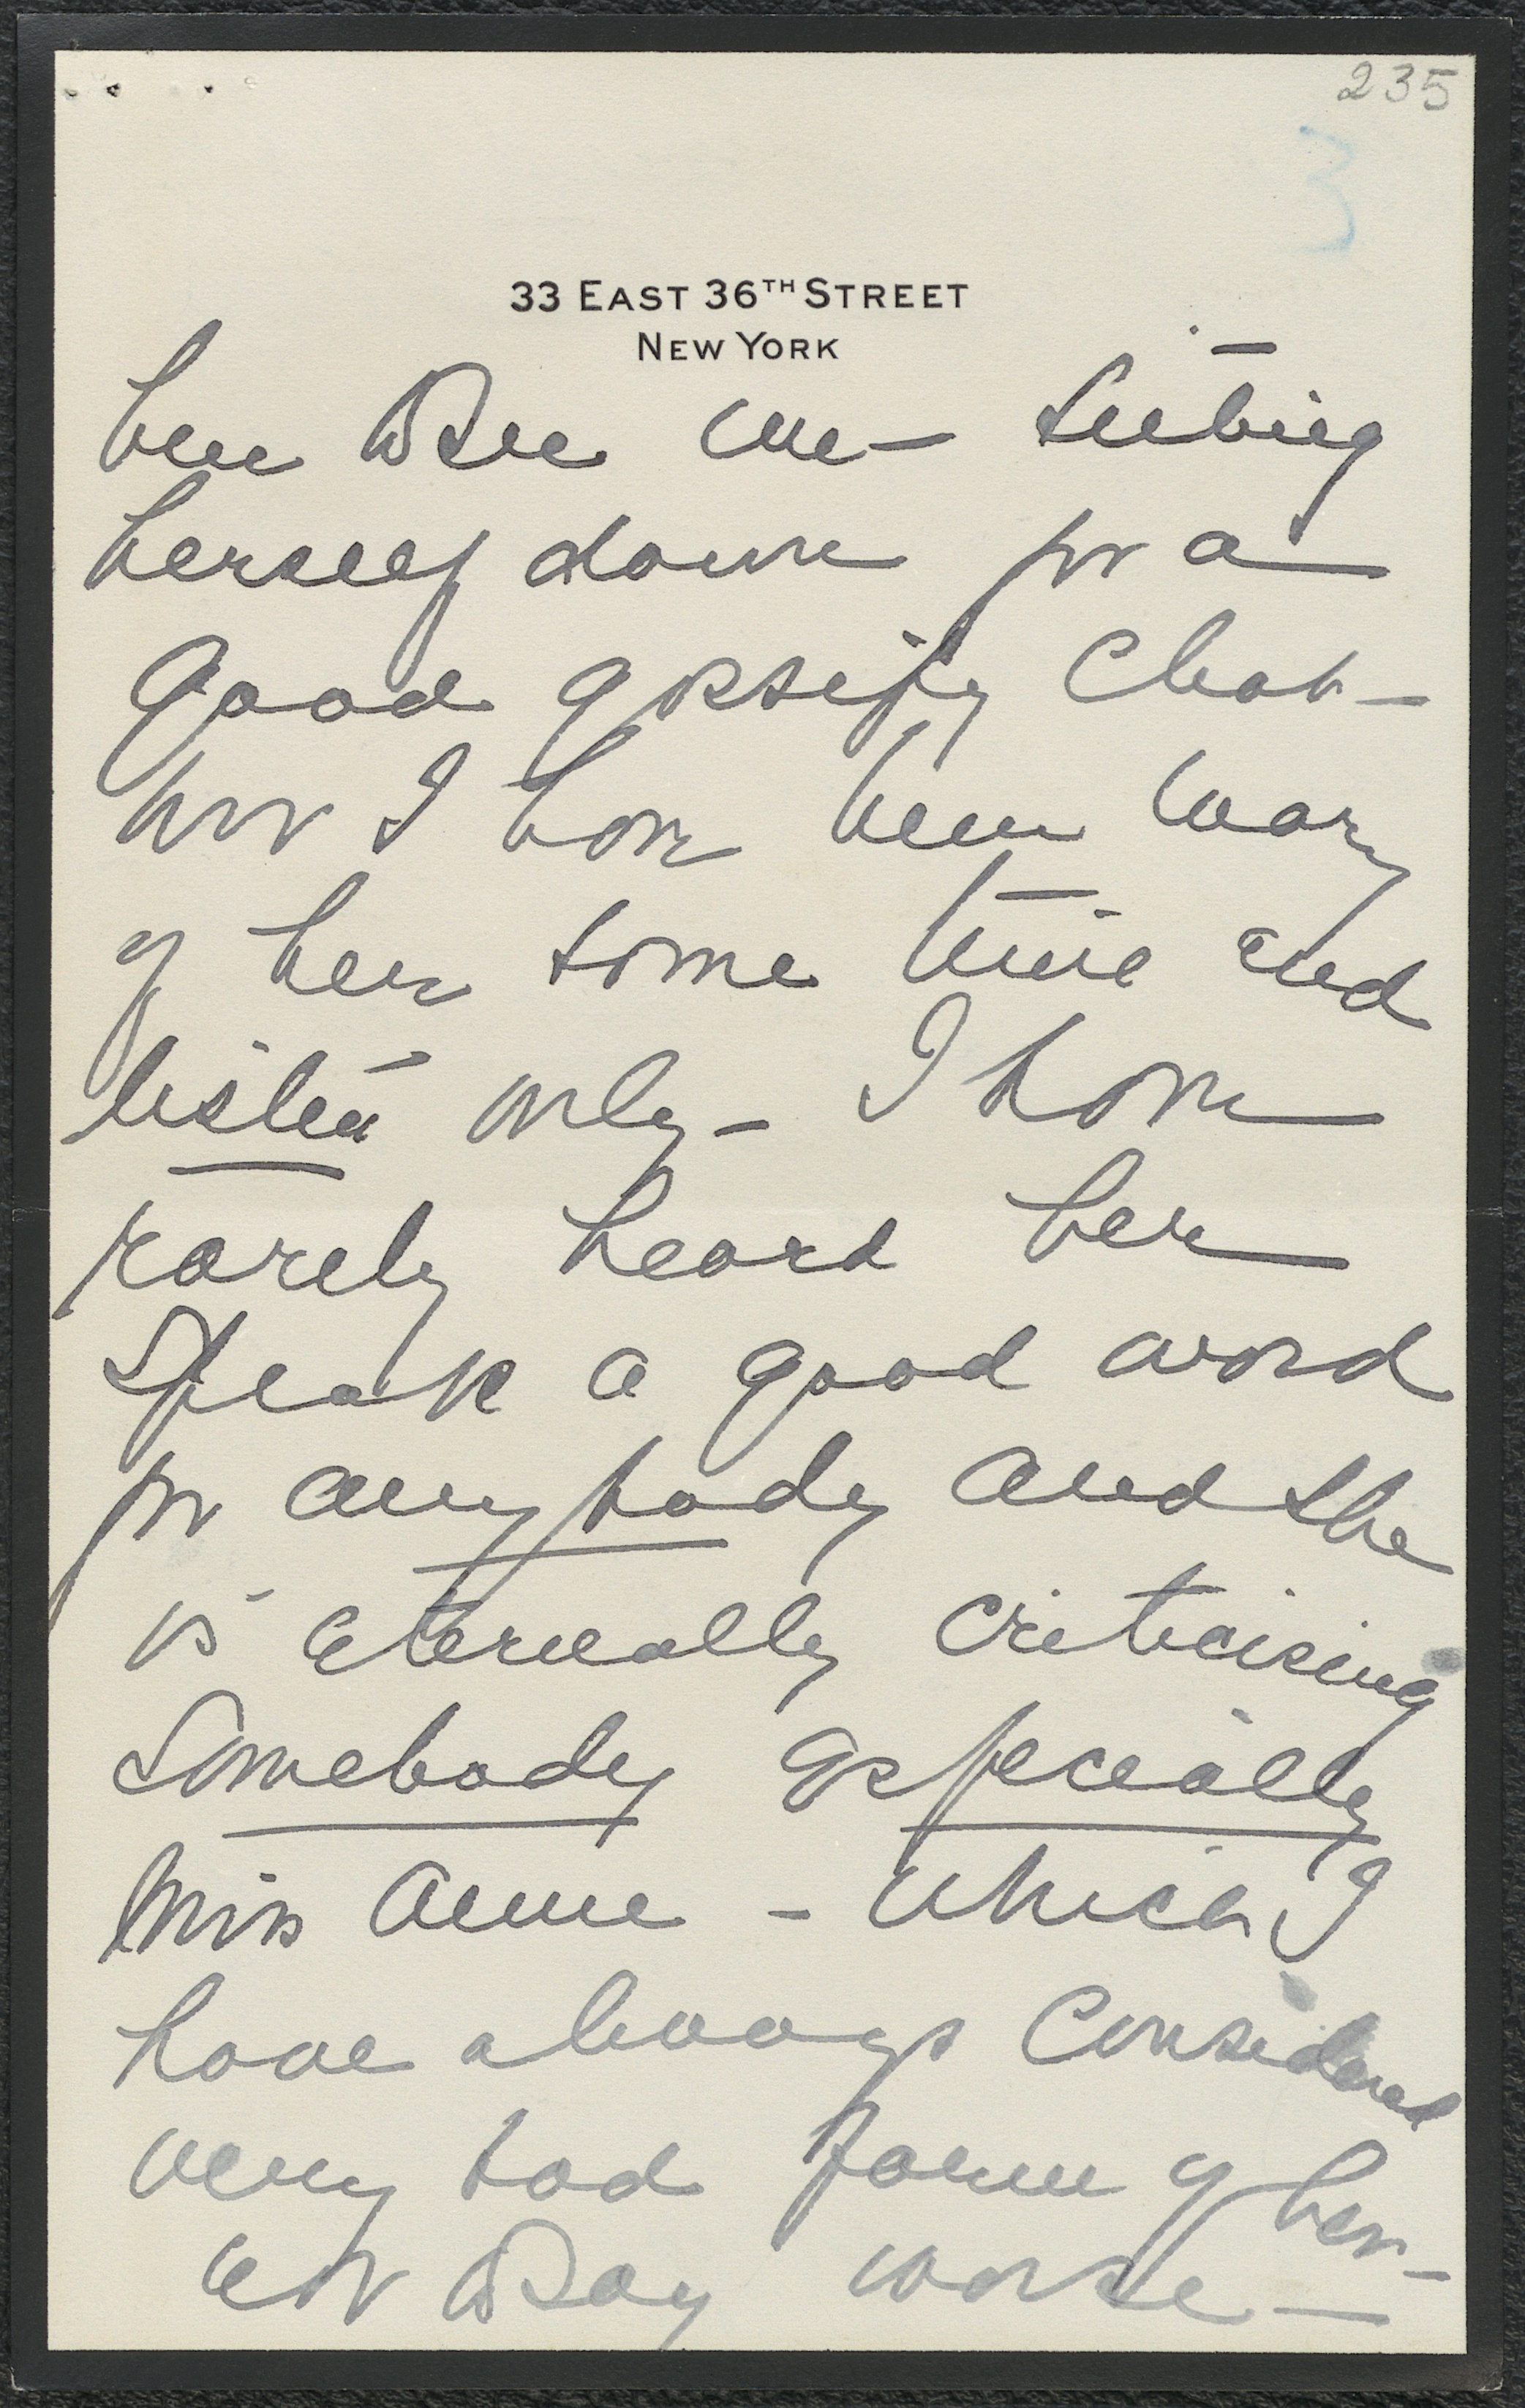here to see me – sitting herself down for a good gossipy chat – now I have been wary of her some time and listen only – I have rarely heard her speak a good word for anybody and she is eternally criticising somebody especially Miss Anne – which I have always considered bad form of her – not to say worse –